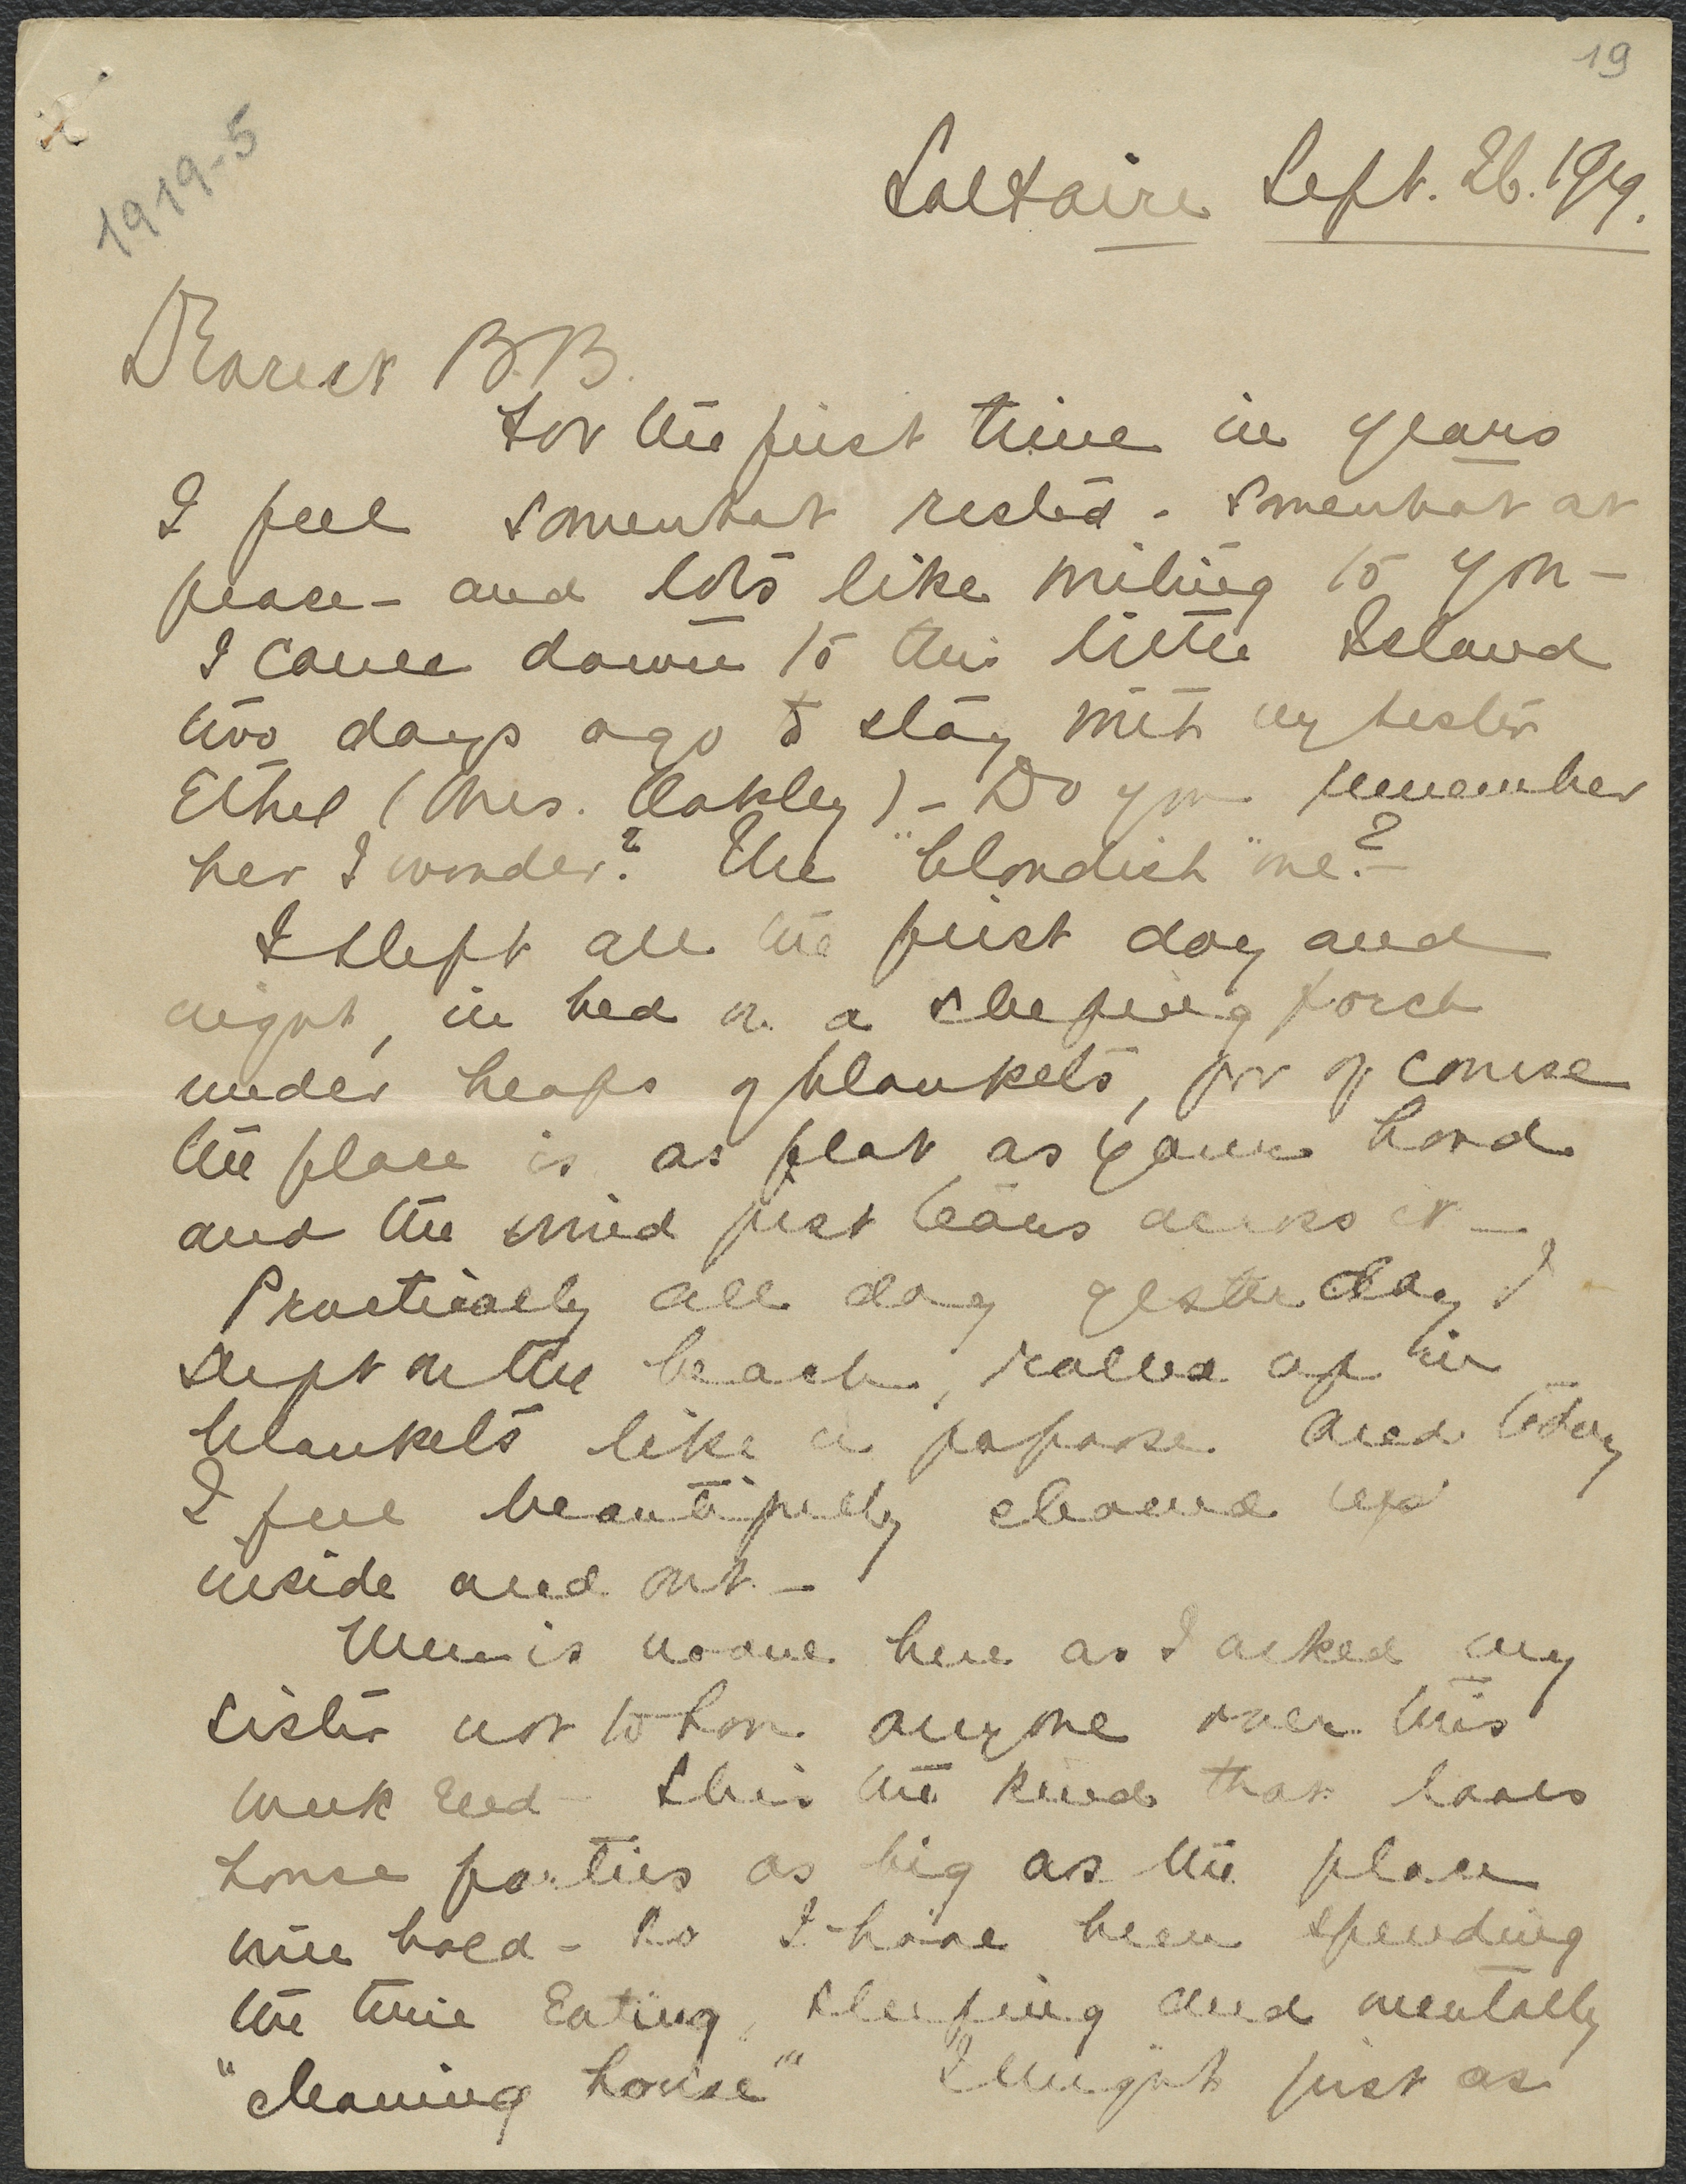Saltaire Sept. 26. 1919
Dearest B.B.
For the first time in years I feel somewhat rested. Somewhat at peace – and lots like writing to you – I came down to this little Island two days ago to stay with my sister Ethel (Mrs. Oakley) – Do you remember her I wonder? The "blondish" one?
I slept all the first day and night, in bed on a sleeping porch under heaps of blankets, for of course the place is as flat as your hand and the wind just tears across it –
Practically all day yesterday I slept on the beach, rolled up in blankets like a papoose. And today I feel beautifully cleared up inside and out –
There is no one here as I asked my sister not to have anyone over this weekend – She is the kind that loves house parties as big as the place will hold – so I have been spending the time eating, sleeping and mentally "cleaning house" I might just as